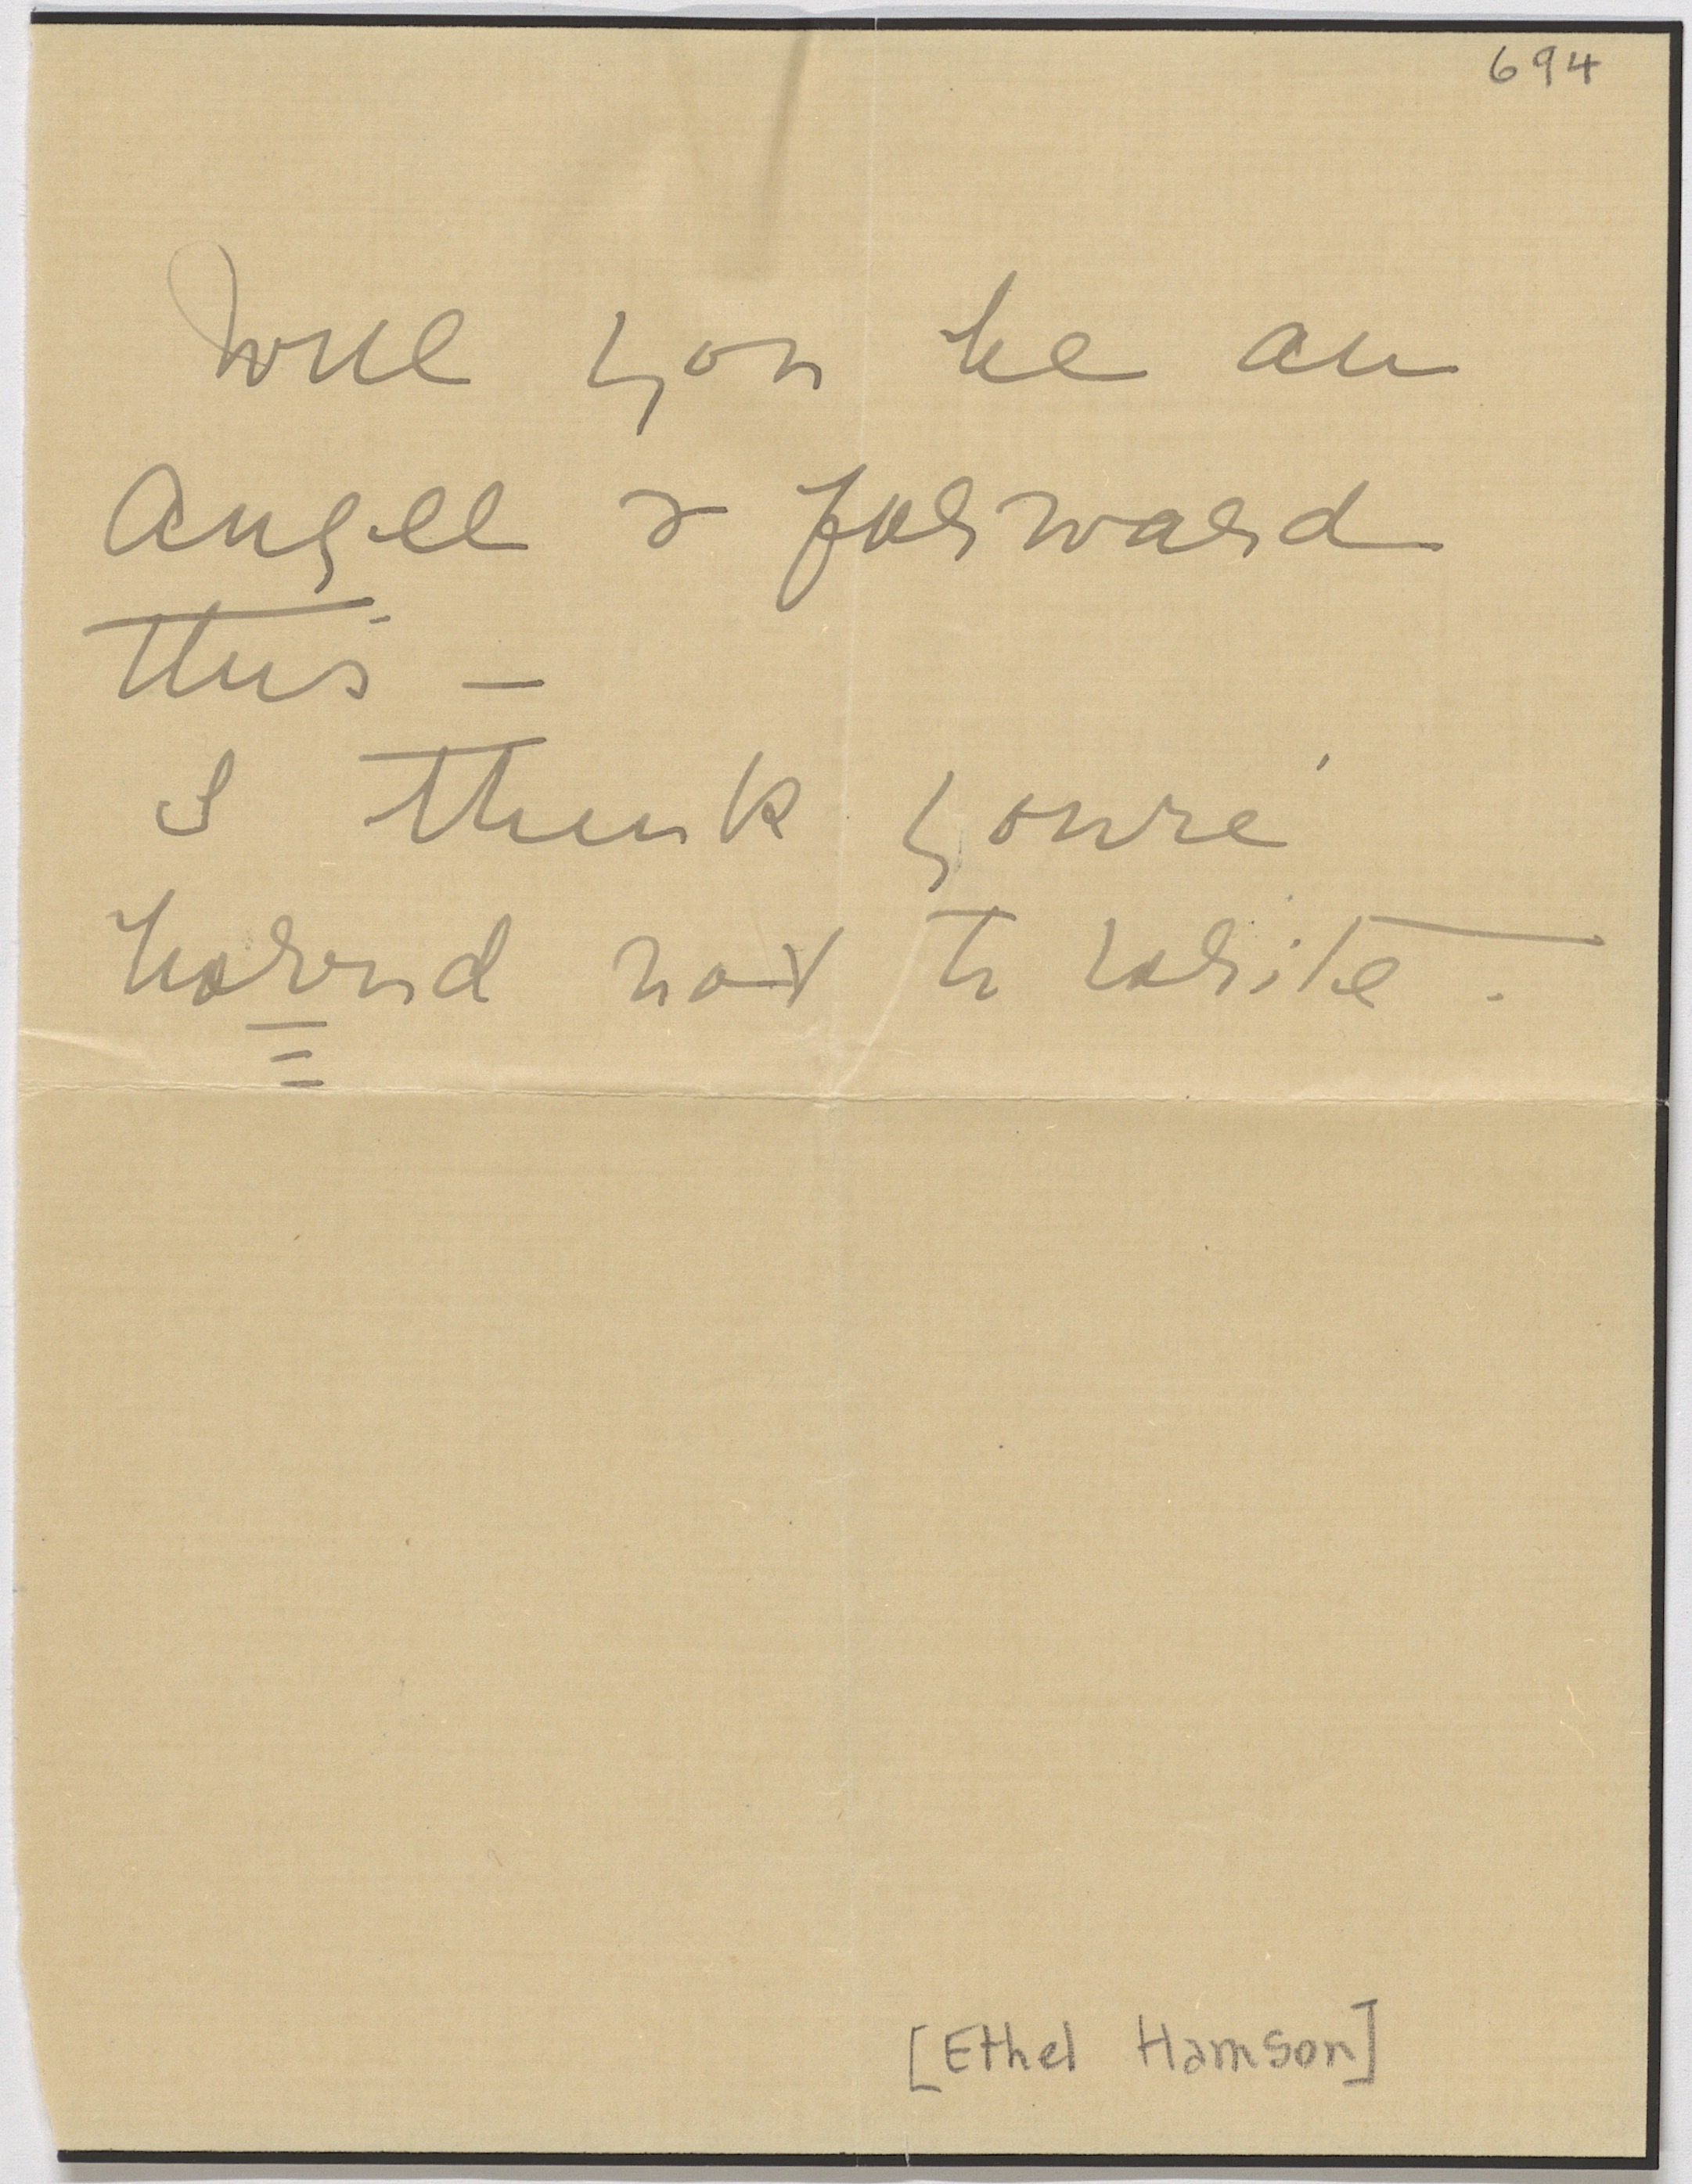[in hand of Ethel Harrison]
Will you be an angell [sic] & forward this –
I think you’re [triple underlined: horrid] not to write.